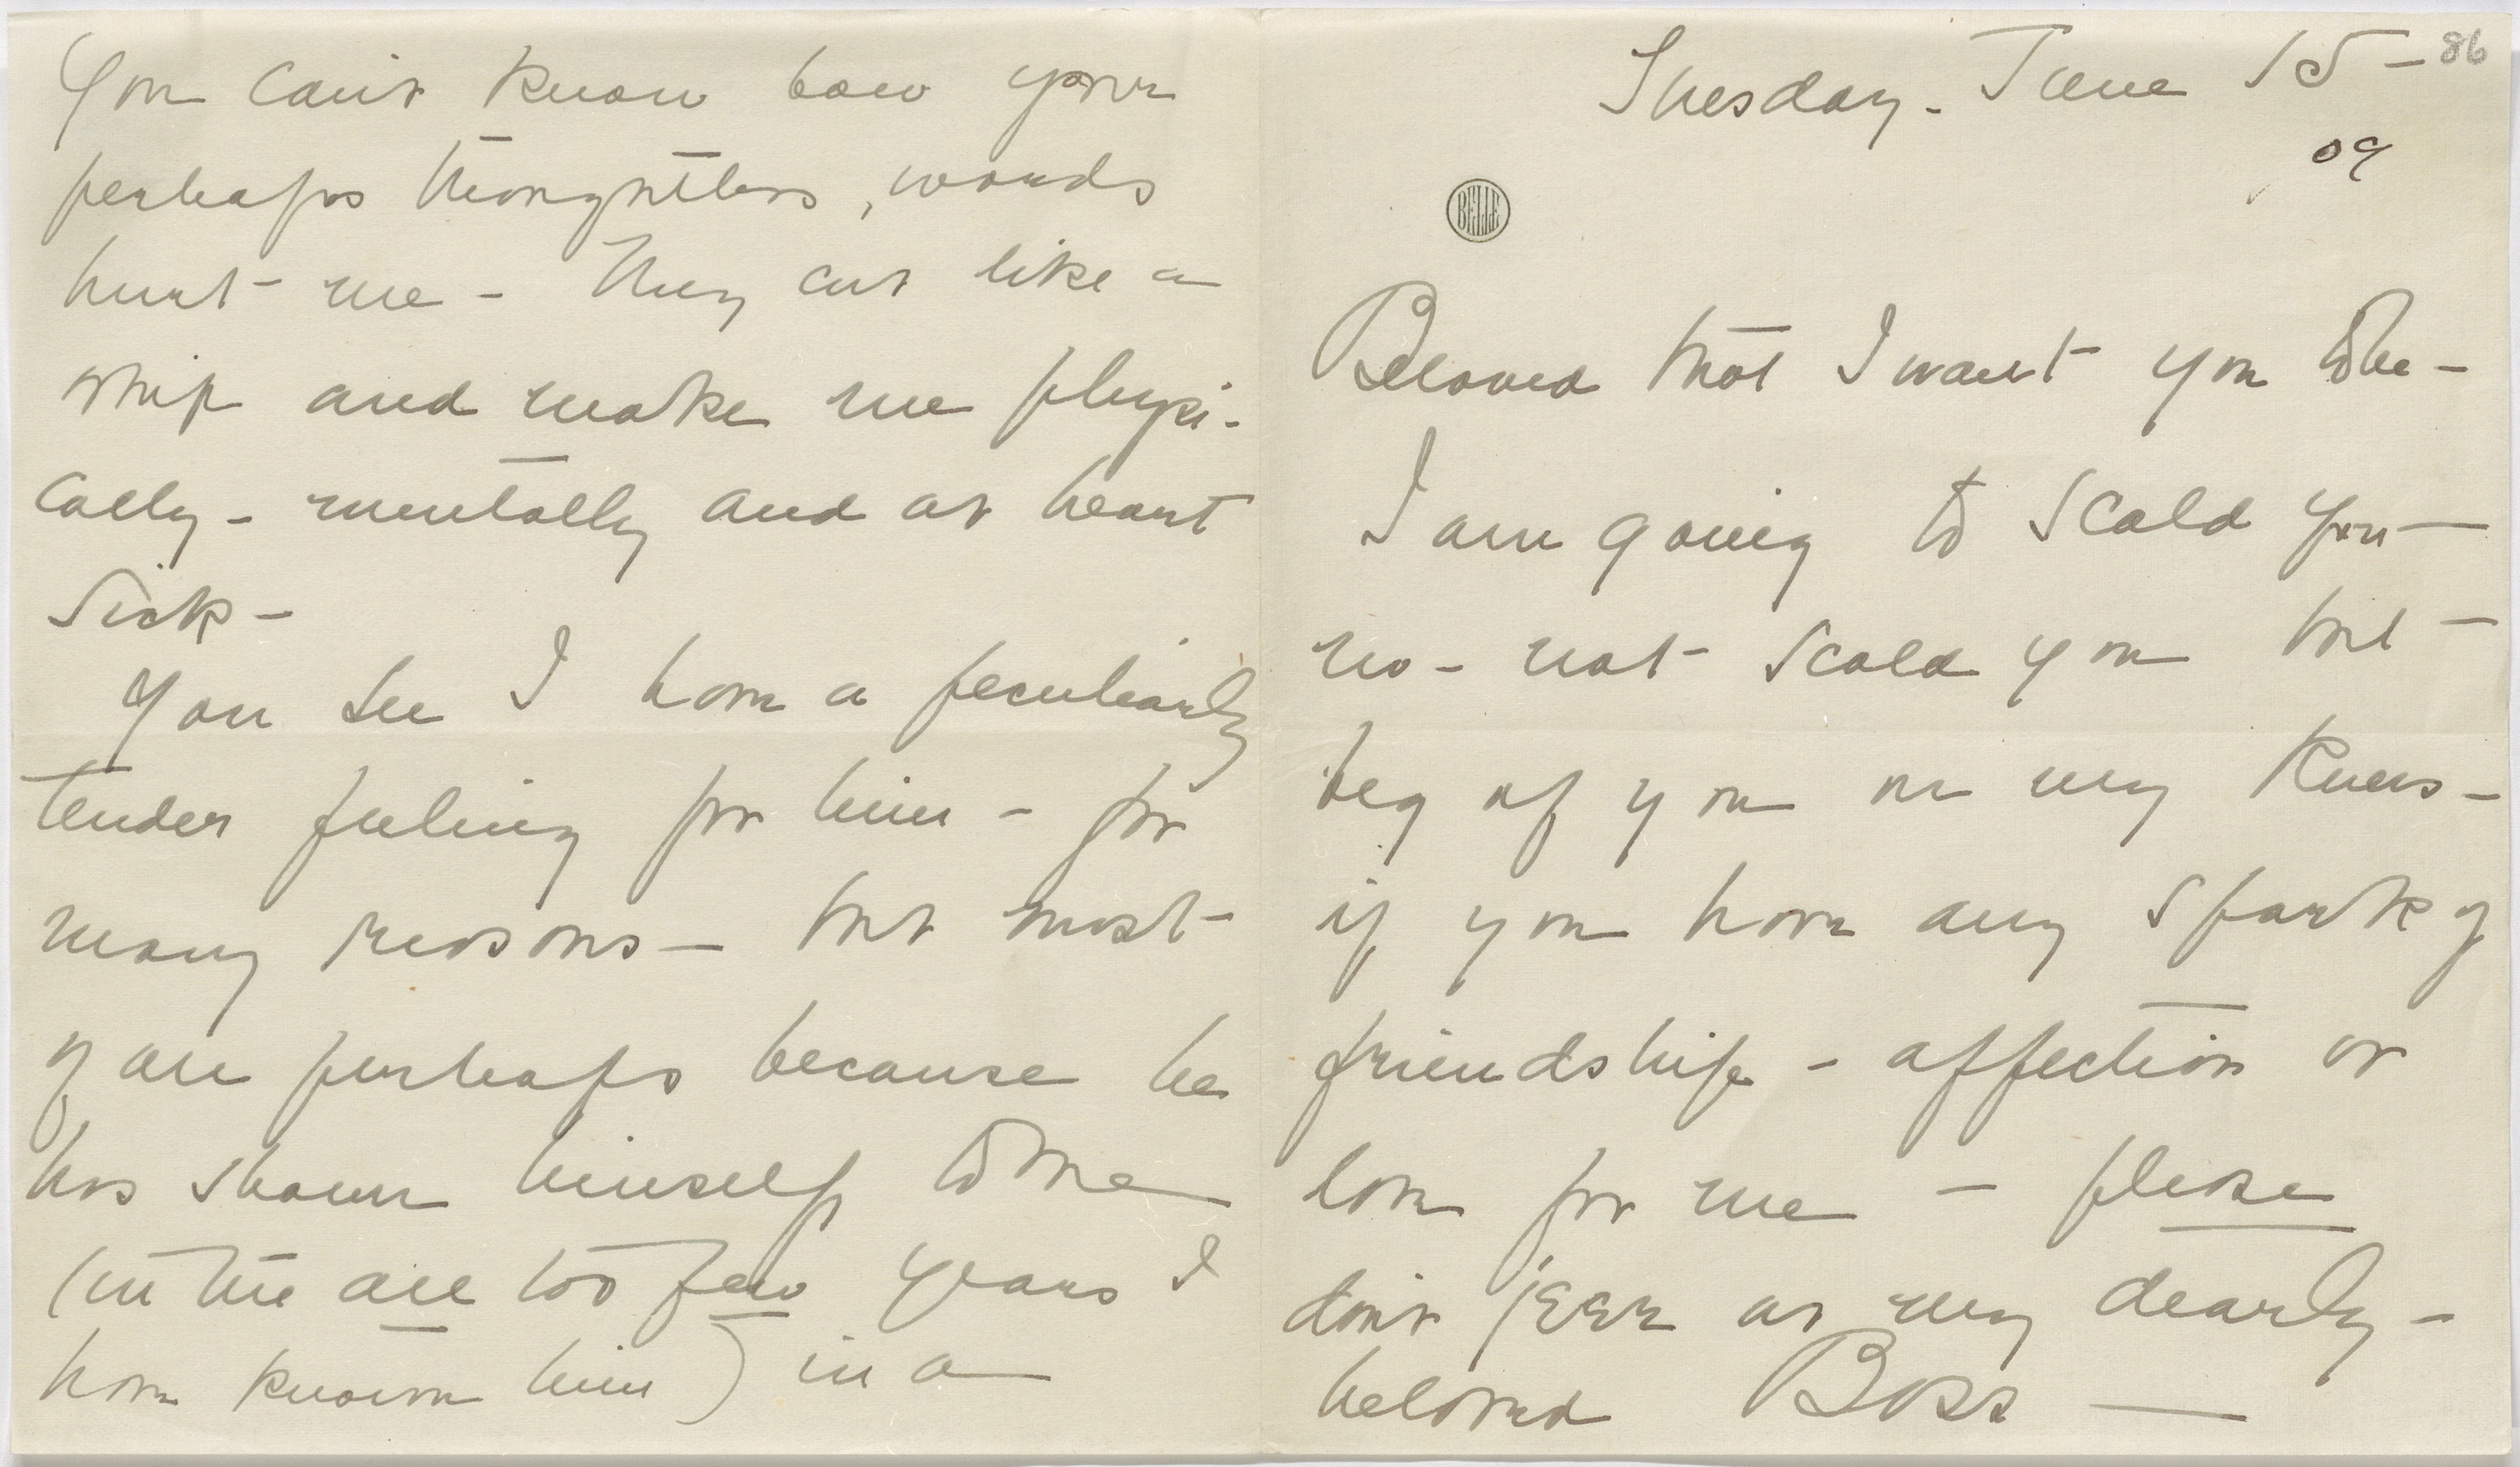Tuesday – June 15 –
Beloved that I want you to be –
I am going to scold you – no – not scold you but beg of you on my knees – if you have any spark of friendship – affection or love for me – please don’t jeer at my dearly beloved Boss –
You can’t know how your perhaps thoughtless words hurt me – they cut like a whip and make me physically – mentally and at heart sick –
You see I have a peculiarly tender feeling for him – for many reasons – but most of all perhaps because he was shown himself to me (in the all too few years I have known him) in a